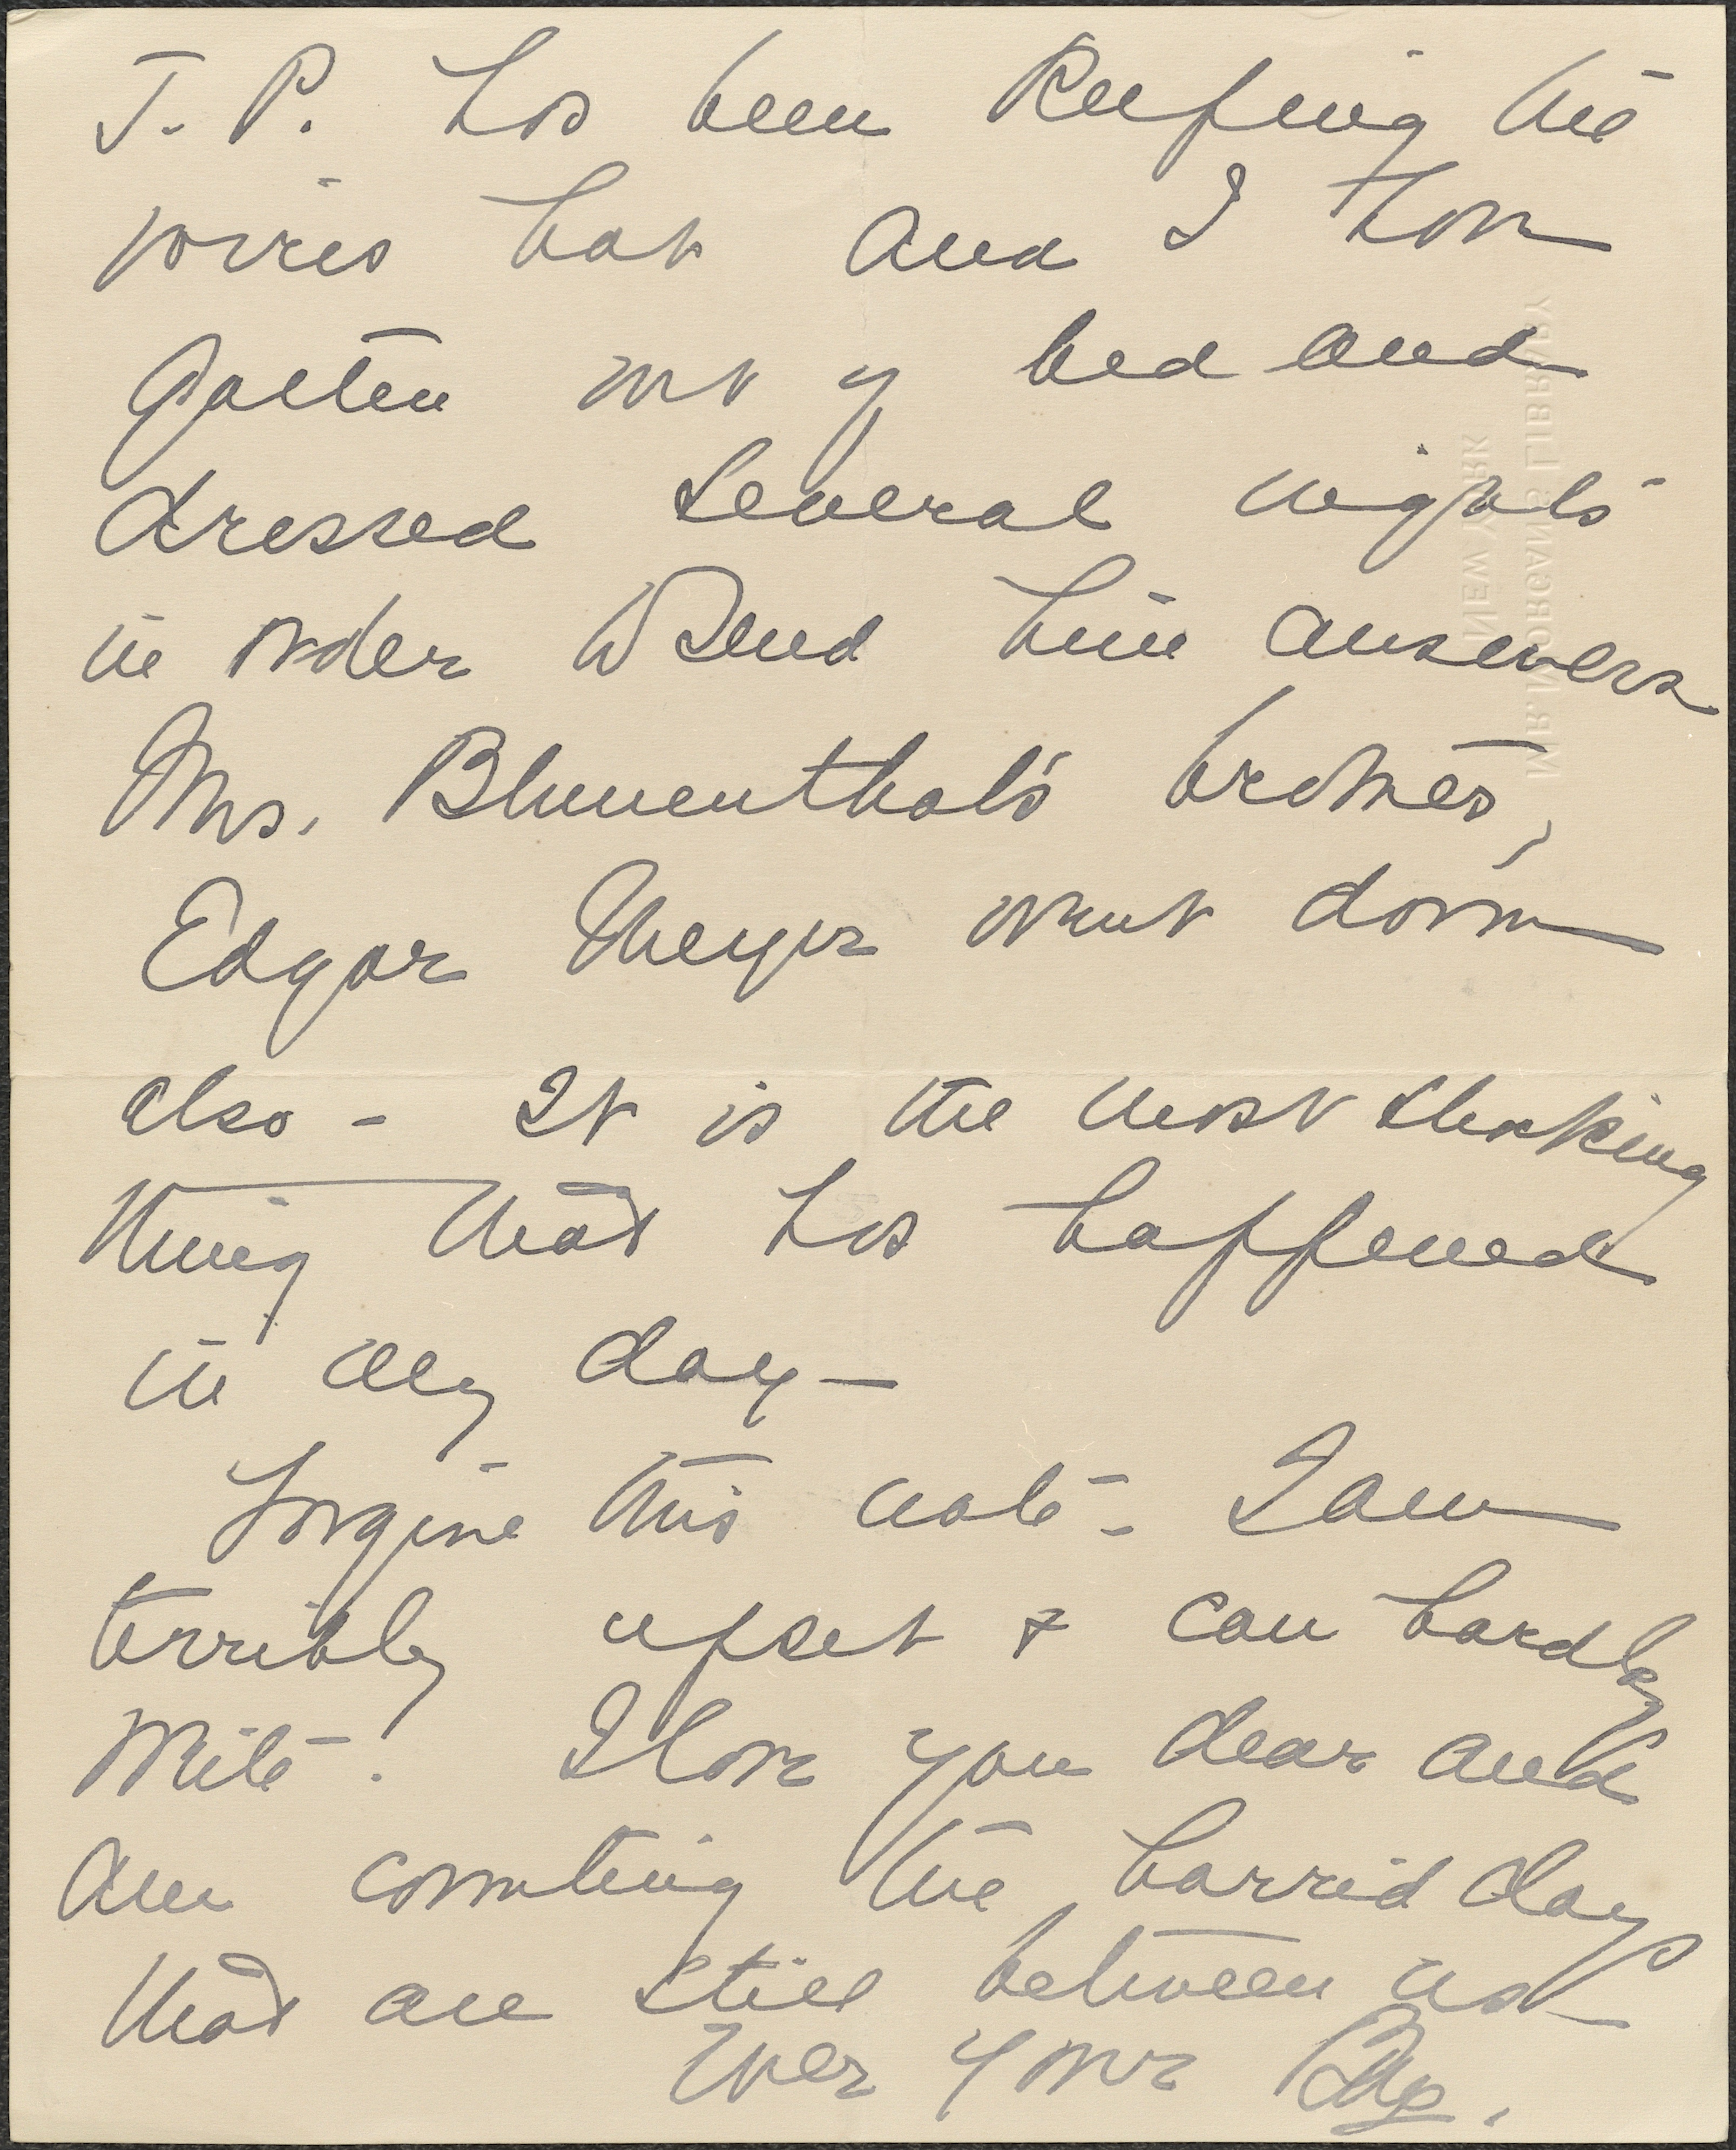J. P. has been keeping the wires hot and I have gotten out of bed and dressed several nights in order to send him answers Mrs. Blumenthal’s brother, Edgar Meyer went down also – It is the most shocking thing that has happened in my day –
Forgive this note – I am terribly upset & can hardly write. I love you dear and are counting the horrid days that are still between us –
Ever Your Belle.